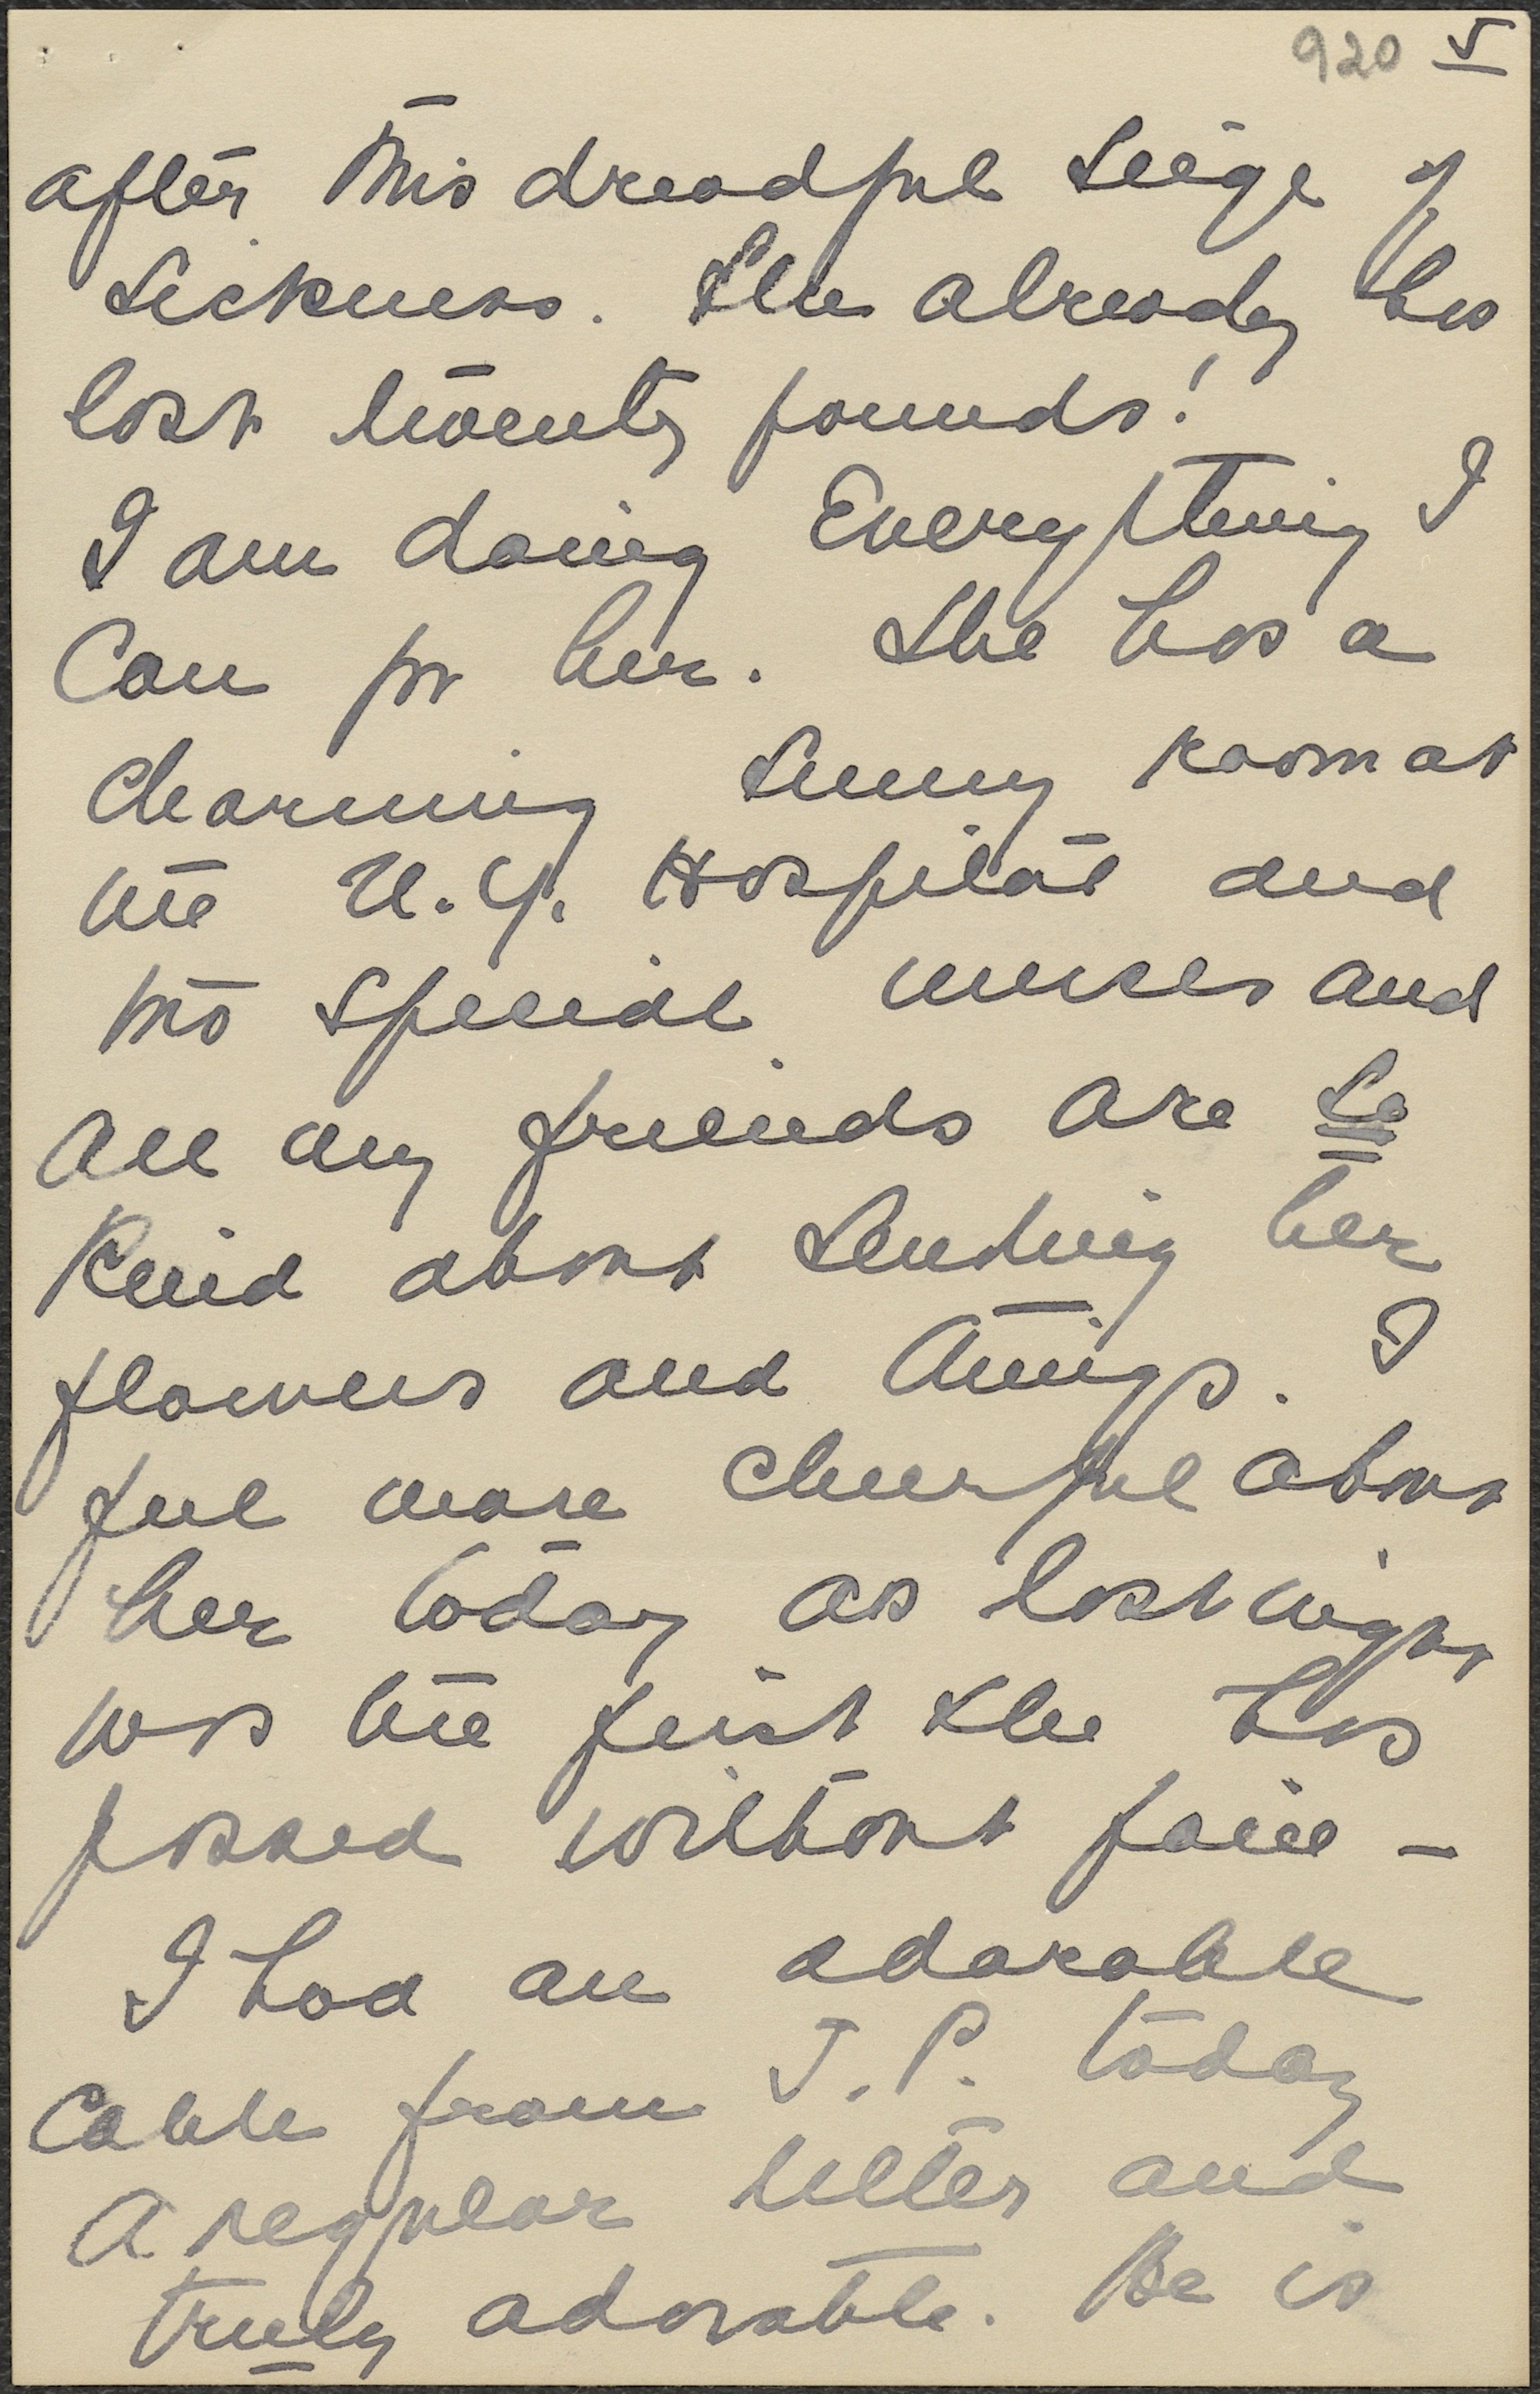5
after this dreadful siege of sickness. She already has lost twenty pounds!
I am doing every thing I can for her. She has a charming sunny room at the N.Y. Hospital and two special nurses and all my friends are [double underlined: so] kind about sending her flowers and things. I feel more cheerful about her today as last night was the first she has passed without pain –
I had an adorable cable from J. P. today a regular letter and truly adorable. He is